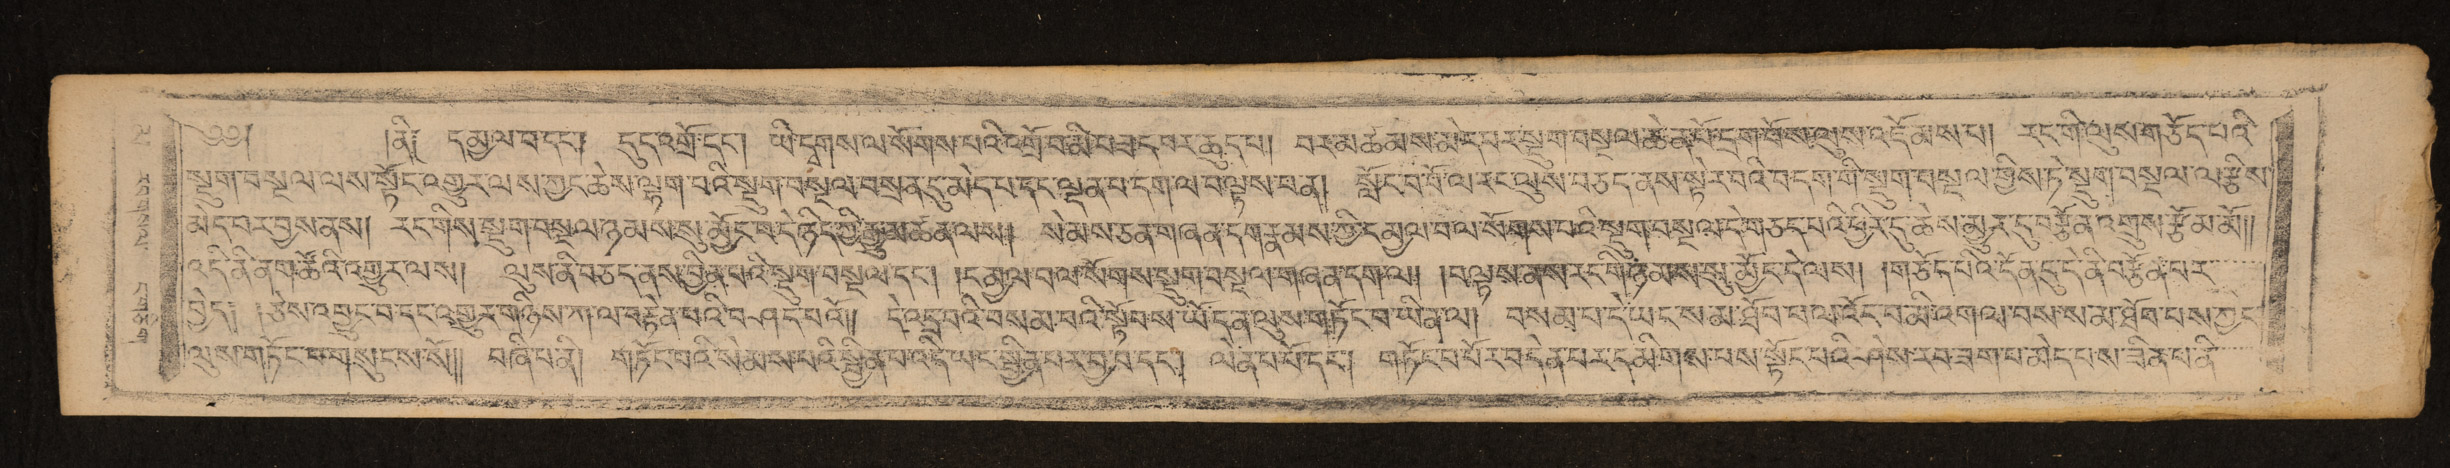༄༅། །ནི། དམྱལ་བ་དང་། དུད་འགྲོ་དང་། ཡི་དྭགས་ལ་སོགས་པའི་འགྲོ་བ་མི་བཟད་པར་ཆུད་པ། བར་མཚམས་མེད་པར་སྡུག་བསྔལ་ཆེན་པོ་དྲག་པོས་ལུས་འཇོམས་པ། རང་གི་ལུས་གཅོད་པའི་
སྡུག་བསྔལ་ལས་སྟོང་འགྱུར་ལས་ཀྱང་ཆེས་ལྷག་པའི་སྡུག་བསྔལ་བསྲན་དུ་མེད་པ་དང་ལྡན་པ་དག་ལ་བལྟས་པ་ན། སློང་བ་པོ་ལ་རང་ལུས་བཅད་ནས་སྟེར་བའི་བདག་གི་སྡུག་བསྔལ་གྱིས་ཏེ་སྡུག་བསྔལ་ལ་རྩིས་
མེད་པར་བྱས་ནས། རང་གིས་སྡུག་བསྔལ་ཉམས་སུ་མྱོང་བ་དེ་ཉིད་ཀྱི་རྒྱུ་མཚན་ལས། སེམས་ཅན་གཞན་དག་རྣམས་ཀྱི་དམྱལ་བ་ལ་སོགས་པའི་སྡུག་བསྔལ་དེ་གཅད་པའི་ཕྱིར་དུ་ཆེས་མྱུར་དུ་བརྩོན་འགྲུས་རྩོམ་མོ།།
འདི་ནི་ནག་ཚོའི་འགྱུར་ལས། ལུས་ནི་བཅད་ནས་བྱིན་པའི་སྡུག་བསྔལ་དང་། །དམྱལ་བ་ལ་སོགས་སྡུག་བསྔལ་གཞན་དག་ལ། །བལྟས་ནས་རང་གི་ཉམས་སུ་མྱོང་དེ་ལས། །གཅོད་པའི་དོན་དུ་དེ་ནི་བརྩོན་པར་
བྱེད། །ཅེས་འབྱུང་བ་དང་འགྱུར་གཉིས་ཀ་ལ་བརྟེན་པའི་བཤད་པའོ།། དེ་འདྲ་བའི་བསམ་པའི་སྟོབས་ཡོད་ན་ལུས་གཏོང་བ་ཡིན་ལ། བསམ་པ་དེ་ཡང་ས་མ་ཐོབ་པ་ལ་འོང་བ་མི་འགལ་བས་ས་མ་ཐོབ་པས་ཀྱང་
ལུས་གཏོང་བ་གསུངས་སོ།། བཞི་པ་ནི། གཏོང་བའི་སེམས་པའི་སྦྱིན་པ་འདི་ཡང་སྦྱིན་པར་བྱ་བ་དང་། ལེན་པ་པོ་དང་། གཏོང་བ་པོར་བདེན་པར་དམིགས་པས་སྟོང་པའི་ཤེས་རབ་ཟག་པ་མེད་པས་ཟིན་པ་ནི་